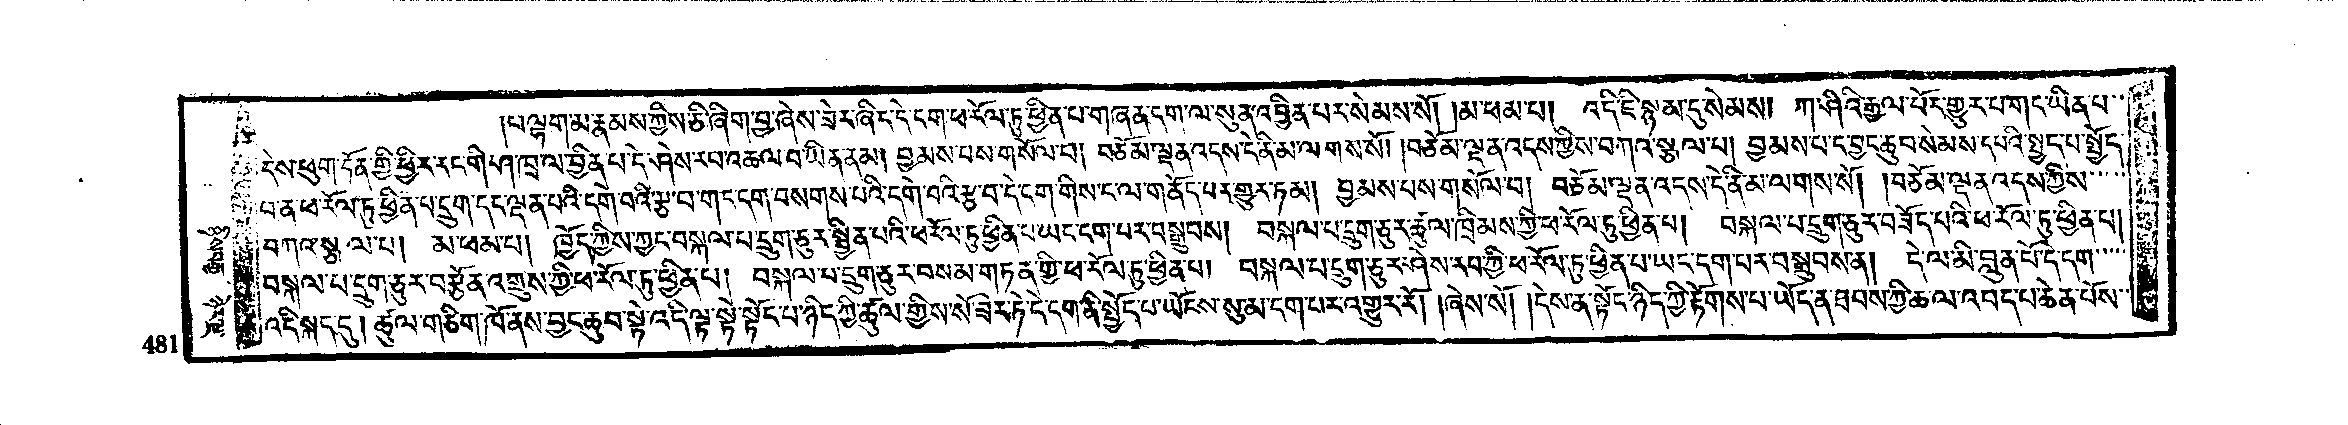༄༅། །པ་ལྷག་མ་རྣམས་ཀྱིས་ཅི་ཞིག་བྱ་ཞེས་ཟེར་ཞིང་དེ་དག་ཕ་རོལ་ཏུ་ཕྱིན་པ་གཞན་དག་ལ་སུན་འབྱིན་པར་སེམས་སོ། །མ་ཕམ་པ། འདི་ཇི་སྙམ་དུ་སེམས། ཀ་ཤིའི་རྒྱལ་པོར་གྱུར་པ་གང་ཡིན་པ་
དེས་ཕུག་རོན་གྱི་ཕྱིར་རང་གི་ཤ་ཁྲ་ལ་བྱིན་པ་དེ་ཤེས་རབ་འཆལ་བ་ཡིན་ནམ། བྱམས་པས་གསོལ་པ། བཅོམ་ལྡན་འདས་དེ་ནི་མ་ལགས་སོ། །བཅོམ་ལྡན་འདས་ཀྱིས་བཀའ་སྩལ་པ། བྱམས་པ་ང་བྱང་ཆུབ་སེམས་དཔའི་སྤྱད་པ་སྤྱོད་
པ་ན་ཕ་རོལ་ཏུ་ཕྱིན་པ་དྲུག་དང་ལྡན་པའི་དགེ་བའི་རྩ་བ་གང་དག་བསགས་པའི་དགེ་བའི་རྩ་བ་དེ་དག་གིས་ང་ལ་གནོད་པར་གྱུར་ཏམ། བྱམས་པས་གསོལ་པ། བཅོམ་ལྡན་འདས་དེ་ནི་མ་ལགས་སོ། །བཅོམ་ལྡན་འདས་ཀྱིས་
བཀའ་སྩལ་པ། མ་ཕམ་པ། ཁྱོད་ཀྱིས་ཀྱང་བསྐལ་པ་དྲུག་ཅུར་སྦྱིན་པའི་ཕ་རོལ་ཏུ་ཕྱིན་པ་ཡང་དག་པར་བསྒྲུབས། བསྐལ་པ་དྲུག་ཅུར་ཚུལ་ཁྲིམས་ཀྱི་ཕ་རོལ་ཏུ་ཕྱིན་པ། བསྐལ་པ་དྲུག་ཅུར་བཟོད་པའི་ཕ་རོལ་ཏུ་ཕྱིན་པ།
བསྐལ་པ་དྲུག་ཅུར་བརྩོན་འགྲུབས་ཀྱི་ཕ་རོལ་ཏུ་ཕྱིན་པ། བསྐལ་པ་དྲུག་ཅུར་བསམ་གཏན་གྱི་ཕ་རོལ་ཏུ་ཕྱིན་པ། བསྐལ་པ་དྲུག་ཅུར་ཤེས་རབ་ཀྱི་ཕ་རོལ་ཏུ་ཕྱིན་པ་ཡང་དག་པར་བསྒྲུབས་ན། དེ་ལ་མི་བླུན་པོ་དེ་དག་
འདི་སྐད་དུ། ཚུལ་གཅིག་ཁོ་ནས་བྱང་ཆུབ་སྟེ་འདི་ལྟ་སྟེ་སྟོང་པ་ཉིད་ཀྱི་ཚུལ་གྱིས་སོ་ཟེར་ཏེ་དེ་དག་ནི་སྤྱོད་པ་ཡོངས་སུ་མ་དག་པར་འགྱུར་རོ། །ཞེས་སོ། །དེས་ན་སྟོང་ཉིད་ཀྱི་རྟོགས་པ་ཡོད་ན་ཐབས་ཀྱི་ཆ་ལ་འབད་པ་ཆེན་པོས་